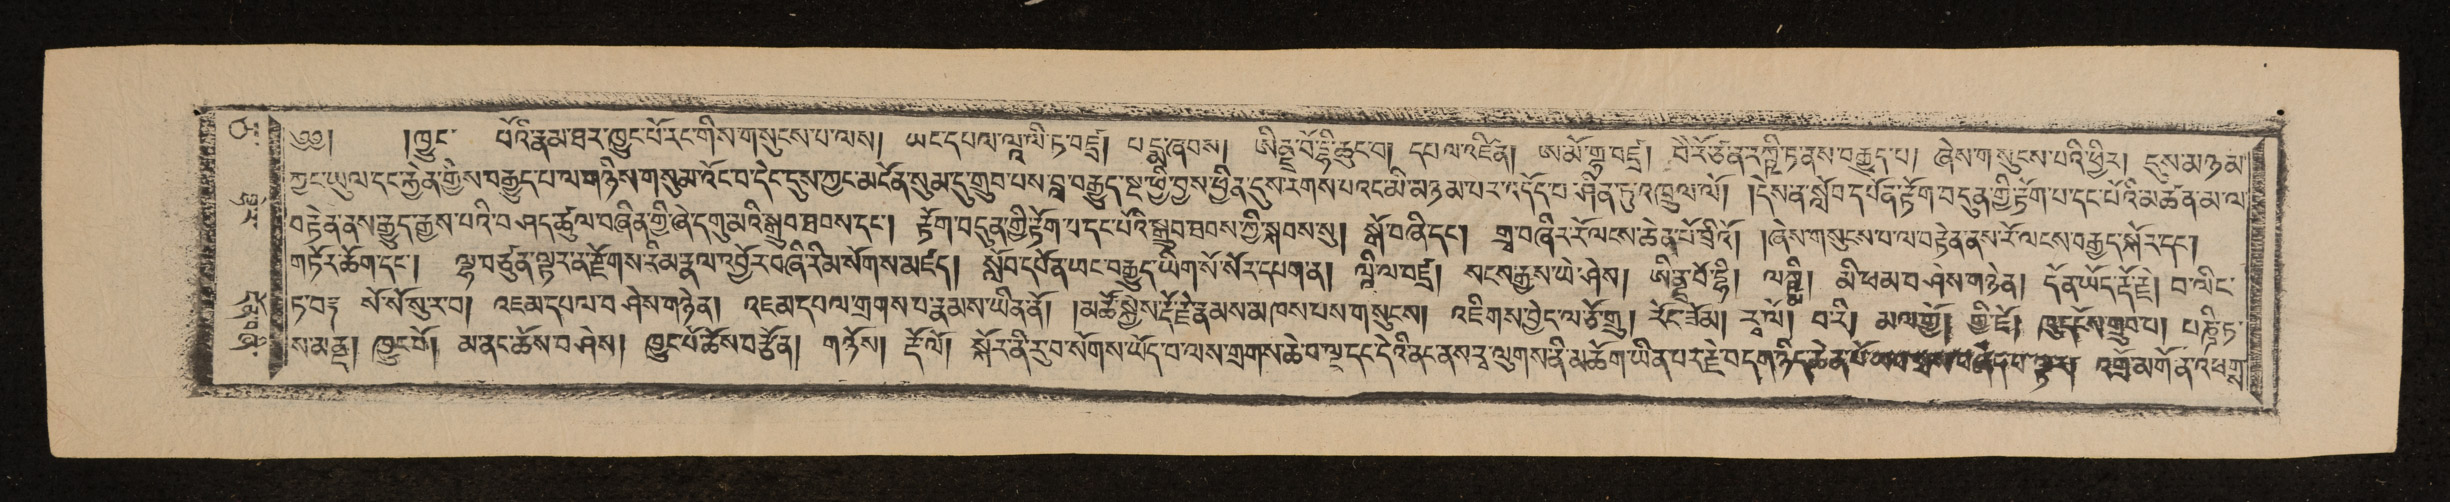༄༅། །ཁྱུང་བོའི་རྣམ་ཐར་ཁྱུང་པོ་རང་གིས་གསུངས་པ་ལས། ཡང་དཔལ་ལཱ་ལི་ཏ་བཛྲ། པདམ་ཞབས། ཨིནྡྲ་བོ་དྷི་ཆུང་བ། དཔལ་འཛིན། ཨ་མོ་གྷ་བཛྲ། བཻ་རོ་ཙ་ན་རཀྵི་ཏ་ནས་བརྒྱུད་པ། ཞེས་གསུངས་པའི་ཕྱིར། དུས་མཉམ་
ཀྱང་ཡུལ་དང་རྐྱེན་གྱིས་བརྒྱུད་པ་ལ་གཉིས་གསུམ་འོང་བ་དེང་དུས་ཀྱང་མངོན་སུམ་དུ་གྲུབ་པས་བླ་བརྒྱུད་སྔ་ཕྱི་བྱས་ཕྱིན་དུས་རགས་པའང་མི་མཉམ་པར་འདོད་པ་ཤིན་ཏུ་འཁྲུལ་ལོ། །དེས་ན་སློབ་དཔོན་རྟོག་བདུན་གྱི་རྟོག་པ་དང་པོའི་མཚན་མ་ལ་
བརྟེན་ནས་རྒྱུད་རྒྱས་པའི་བཤད་ཚུལ་བཞིན་གྱི་ཞེ་དགུ་མའི་སྒྲུབ་ཐབས་དང་། རྟོག་བདུན་གྱི་རྟོག་པ་དང་པོའི་སྒྲུབ་ཐབས་ཀྱི་སྐབས་སུ། སྒོ་བཞི་དང་། གླ་བཞིར་རོ་ལངས་ཆེན་པོ་བྲིའོ། །ཞེས་གསུངས་པ་ལ་བརྟེན་ནས་རོ་ལངས་བརྒྱད་སྐོར་དང་།
གཏོར་ཆོག་དང་། ལྷ་བཙུན་ལྟར་ན་རྫོགས་རིམ་རྣལ་འབྱོར་བཞི་རིམ་སོགས་མཛད། སློབ་དཔོན་ཡང་བརྒྱུད་ཡིག་སོ་སོར་དཔག་ན། ལཱི་ལ་བཛྲ། སངས་རྒྱས་ཡེ་ཤེས། ཨིནྡྲ་བོ་དྷི། ལཀྵྨི། མི་ཕམ་བཤེས་གཉེན། དོན་ཡོད་རྡོ་རྗེ། བ་ལིང་
ཏ་པ༑ སོ་སོ་སུར་པ། འཇམ་དཔལ་བཤེས་གཉེན། འཇམ་དཔལ་གྲགས་པ་རྣམས་ཡིན་ནོ། །མཚོ་སྐྱེས་རྡོ་རྗེ་རྣམས་མཁས་པས་གསུངས། འཇིགས་བྱེད་ལ་ཅོ་གྲུ། རོང་ཟོམ། རྭ་ལོ། བ་རི། མལ་གྱོ། གྱི་ཇོ། ཁུ་དངོས་གྲུབ་པ། པཎྜི་ཏ་
ས་མནྡ། ཁྱུང་བོ། མ་ནང་ཆོས་བཤེས། ཁྱུང་པོ་ཆོས་བརྩོན། གཉོས། རྡོ་ལོ། སྐོར་ནི་རུ་བ་སོགས་ཡོད་པ་ལས་གྲགས་ཆེ་བ་ལྔ་དང་དེའི་ནང་ནས་རྭ་ལུགས་ནི་མཆོག་ཡིན་པར་རྗེ་བདག་ཉིད་ཆེན་པོ་ཡབ་སྲས་བཞེད་པ་ལྟར། འགྲོ་མགོན་འཕགས་